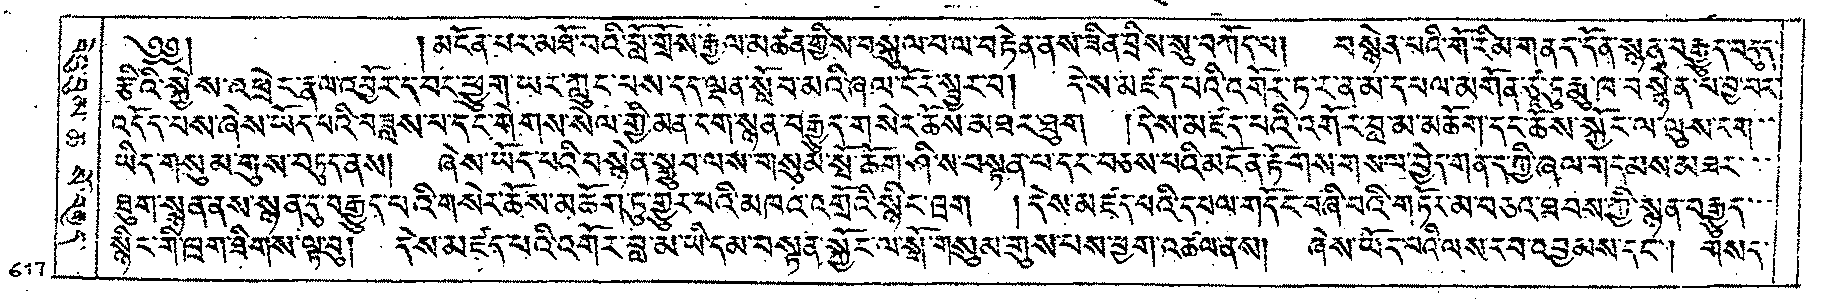༄༅། །མངོན་པར་མཐོ་བའི་བློ་གྲོས་རྒྱལ་མཚན་གྱིས་བསྐུལ་བ་ལ་བརྟེན་ནས་ཟིན་བྲིས་སུ་བཀོད་པ། བསྙེན་པའི་གོ་རིམ་གནད་དོན་སྙན་བརྒྱུད་བདུད་
རྩིའི་སྐྱེས་འཕྲེང་རྣལ་འབྱོར་དབང་ཕྱུག་ཡར་ཀླུང་པས་དད་ལྡན་སློབ་མའི་ཞལ་ངོར་སྦྱར་བ། དེས་མཛད་པའི་འགོར་ཏ་ར་ན་མ་དཔལ་མགོན་ཙཱ་ཏུརྨུ་ཁ་བསྙེན་པ་བྱ་བར་
འདོད་པས་ཞེས་ཡོད་པའི་བཟླས་པ་དང་གེགས་སེལ་གྱི་མན་ངག་སྙན་བརྒྱུད་གསེར་ཆོས་མཐར་ཐུག །དེས་མཛད་པའི་འགོར་བླ་མ་མཆོག་དང་ཆོས་སྐྱོང་ལ་ལུས་ངག་
ཡིད་གསུམ་གུས་བཏུད་ནས། ཞེས་ཡོད་པའི་བསྙེན་སྒྲུབ་ལས་གསུམ་སྤོ་ཆོག་ཤི་ས་བསྟན་པ་དང་བཅས་པའི་མངོན་རྟོགས་གསལ་བྱེད་གནད་ཀྱི་ཞལ་གདམས་མཐར་
ཐུག་སྙན་ནས་སྙན་དུ་བརྒྱུད་པའི་གསེར་ཆོས་མཆོག་ཏུ་གྱུར་པའི་མཁའ་འགྲོའི་སྙིང་ཁྲག །དེས་མཛད་པའི་དཔལ་གདོང་བཞི་པའི་གཏོར་མ་བཅའ་ཐབས་ཀྱི་སྙན་བརྒྱུད་
སྙིང་གི་ཁྲག་ཐིགས་ལྟ་བུ། དེས་མཛད་པའི་འགོར་བླ་མ་ཡི་དམ་བསྟན་སྐྱོང་ལ་སྒོ་གསུམ་གུས་པས་ཕྱག་འཚལ་ནས། ཞེས་ཡོད་པའི་ལས་རབ་འབྱམས་དང་། གསད་